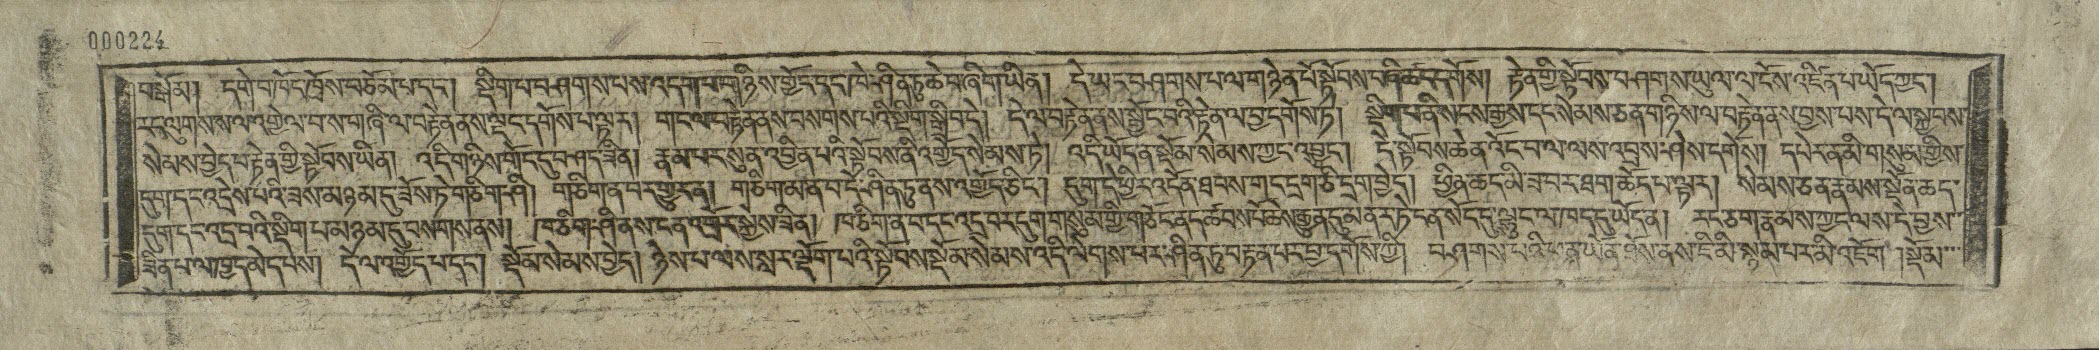བསྒོམ། དགེ་བ་ཁོང་ཁྲོས་བཅོམ་པ་དང་། སྡིག་པ་བཤགས་པས་འདག་པ་གཉིས་གྱོང་དང་ཁེ་ཤིན་ཏུ་ཆེ་བ་ཞིག་ཡིན། དེ་ཡང་བཤགས་པ་ལ་གཉེན་པོ་སྟོབས་བཞི་ཚང་དགོས། རྟེན་གྱི་སྟོབས་བཤགས་ཡུལ་ལ་ངོས་འཛིན་པ་ཡོད་ཀྱང་།
རང་ལུགས་ས་ལ་འགྱེལ་བ་ས་གཞི་ལ་བརྟེན་ནས་ལྡང་དགོས་པ་ལྟར། གང་ལ་བརྟེན་ནས་བསགས་པའི་སྡིག་སྒྲིབ་དེ། དེ་ལ་བརྟེན་ནས་སྦྱོང་བའི་རྟེན་ལ་བྱ་དགོས་ཏེ། སྡིག་པ་ནི་སངས་རྒྱས་དང་སེམས་ཅན་གཉིས་ལ་བརྟེན་ནས་བྱས་པས་དེ་ལ་སྐྱབས་
སེམས་བྱེད་པ་རྟེན་གྱི་སྟོབས་ཡིན། འདི་གཉིས་གོང་དུ་བཤད་ཟིན། རྣམ་པར་སུན་འབྱིན་པའི་སྟོབས་ནི་འགྱོད་སེམས་ཏེ། འདི་ཡོད་ན་སྡོམ་སེམས་ཀྱང་འབྱུང་། དེ་སྟོབས་ཆེན་འོང་བ་ལ་ལས་འབྲས་ཤེས་དགོས། དཔེར་ན་མི་གསུམ་གྱིས་
དུག་དང་འདྲེས་པའི་ཟས་མཉམ་དུ་ཟོས་ཏེ་གཅིག་ཤི། གཅིག་ན་བར་གྱུར་ན། གཅིག་མ་ན་བ་དེ་ཤིན་ཏུ་ནས་འགྱོད་ཅིང་། དུག་དེ་ཕྱིར་འདོན་ཐབས་གང་དྲག་ཅི་དྲག་བྱེད། ཕྱིན་ཆད་མི་ཟ་བར་ཐག་ཆོད་པ་ལྟར། སེམས་ཅན་རྣམས་སྔོན་ཆད་
དུག་དང་འདྲ་བའི་སྡིག་པ་མཉམ་དུ་བསགས་ནས། ཁ་ཅིག་ཤི་ནས་ངན་འགྲོར་སྐྱེས་ཟིན། ཁ་ཅིག་ན་བ་དང་འདྲ་བར་དུག་གསུམ་གྱི་གཅོང་ནད་ཚབས་པོ་ཆེས་རྒྱུན་དུ་མནར་ཏེ་ངན་སོང་དུ་ལྷུང་ལ་ཁད་དུ་ཡོད་ན། རང་ཅག་རྣམས་ཀྱང་ལས་དེ་བྱས་
ཟིན་པ་ལ་ཁྱད་མེད་པས། དེ་ལ་འགྱོད་པ་དང་། སྡོམ་སེམས་བྱེད། ཉེས་པ་ལས་སླར་ལྡོག་པའི་སྟོབས་སྡོམ་སེམས་འདི་ལེགས་པར་ཤིན་ཏུ་བརྟན་པར་བྱ་དགོས་ཀྱི། བཤགས་པའི་ཕན་ཡོན་ཐོས་ནས་ཇི་མི་སྙམ་པར་མི་འཇོག །སྡོམ་